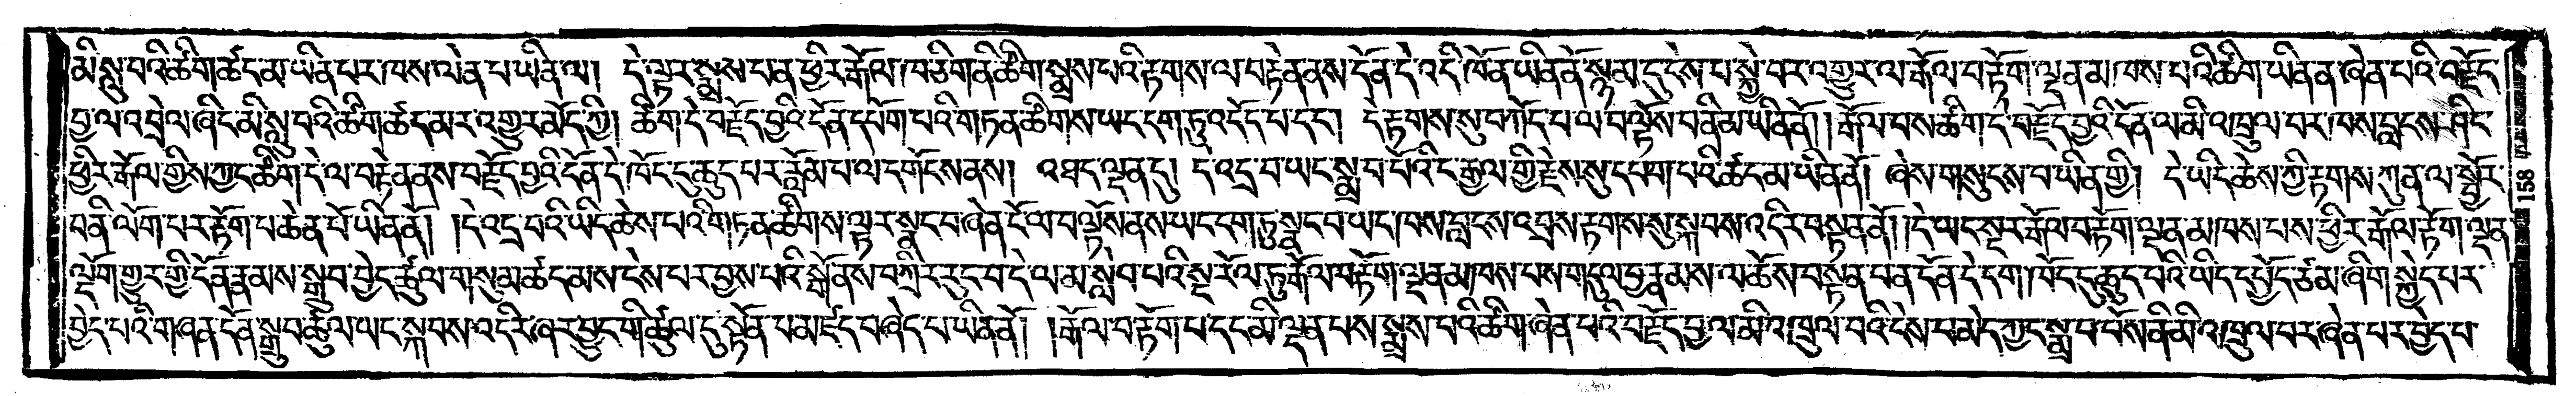མི་སླུ་བའི་ཚིག་ཚད་མ་ཡིན་པར་ཁས་ལེན་པ་ཡིན་ལ། དེ་ལྟར་སྨྲས་པ་ན་ཕྱིར་རྒོལ་ཁ་ཅིག་ནི་ཚིག་སྨྲས་པའི་རྟགས་ལ་བརྟེན་ནས་དོན་དེ་འདི་ཁོ་ན་ཡིན་ནོ་སྙམ་དུ་ངེས་པ་སྐྱེ་བར་འགྱུར་ལ་རྒོལ་པ་རྟོག་ལྡན་མཁས་པའི་ཚིག་ཡིན་ན་ཞེན་པའི་བརྗོད་
བྱ་ལ་འབྲེལ་ཞིང་མི་སླུ་བའི་ཚིག་ཚད་མར་འགྱུར་མོད་ཀྱི། ཚིག་དེ་བརྗོད་བྱའི་དོན་དཔོག་པའི་གཏན་ཚིགས་ཡང་དག་ཏུ་འདོད་པ་དང་། དེ་རྟགས་སུ་བཀོད་པ་ལ་བལྟོས་བ་ནི་མ་ཡིན་ནོ། །རྒོལ་བས་ཚིག་དེ་བརྗོད་བྱའི་དོན་ལ་མི་འཁྲུལ་བར་ཁས་བླངས་ཤིང་
ཕྱིར་རྒོལ་གྱིས་ཀྱང་ཚིག་དེ་ལ་བརྟེན་ནས་བརྗོད་བྱའི་དོན་དེ་ཁོང་དུ་ཆུད་པར་རློམ་པ་ལ་དགོངས་ནས། འཐད་ལྡན་དུ། དེ་འདྲ་བ་ཡང་སྨྲ་བ་པོའི་ང་རྒྱལ་གྱི་རྗེས་སུ་དཔག་པའི་ཚང་མ་ཡིན་ནོ། ཞེས་གསུངས་པ་ཡིན་གྱི། དེ་ཡིད་ཆེས་ཀྱི་རྟགས་ཀུན་ལ་སྦྱོར་
བ་ནི་ལོག་པར་རྟོག་པ་ཆེན་པོ་ཡིན་ནོ། །དེ་འདྲ་བའི་ཡིད་ཆེས་པའི་གཏན་ཚིགས་ལྟར་སྣང་བ་ཞེན་ངོ་ལ་བལྟོས་ནས་ཡང་དག་ཏུ་སྣང་བ་ཡང་ཁས་བླངས་འབྲས་རྟགས་སུ་སྐབས་འདིར་བསྟན་ནོ། །དེ་ཡང་སྔར་རྒྱལ་བ་རྟོག་ལྡན་མཁས་པས་ཕྱིར་རྒོལ་རྟོག་ལྡན་
ལྡོག་གྱུར་གྱི་དོན་རྣམས་སྒྲུབ་བྱེད་ཚུལ་གསུམ་ཚད་མས་ངེས་པར་བྱས་པའི་སྒོ་ནས་བཀྲིར་རུང་བ་དེ་ལམ་སླེབ་པའི་སྔ་རོལ་ཏུ་རྒོལ་བརྟོག་ལྡན་མཁས་པས་གདུལ་བྱ་རྣམས་ལ་ཆོས་བསྟན་པ་ན་དོན་དེ་དག་ཁོང་དུ་ཆུད་པའི་ཡིད་དཔྱོད་ཙམ་ཞིག་སྐྱེད་པར་
བྱེད་པའི་གཞན་དོན་སྒྲུབ་ཚུལ་ཡང་སྐབས་འདིར་ཞར་བྱུང་གི་ཚུལ་དུ་སྟོན་པ་མཛད་བཞེད་པ་ཡིན་ནོ། །རྒོལ་བ་རྟོག་པ་དང་མི་ལྡན་པས་སྨྲས་པའི་ཚིག་ཞེ་ན་པའི་བརྗོད་བྱ་ལ་མི་འཁྲུལ་བའི་ངེས་པ་མེད་ཀྱང་སྨྲས་བ་པོས་ནི་མི་འཁྲུལ་བར་ཞེན་པར་བྱེད་པ་